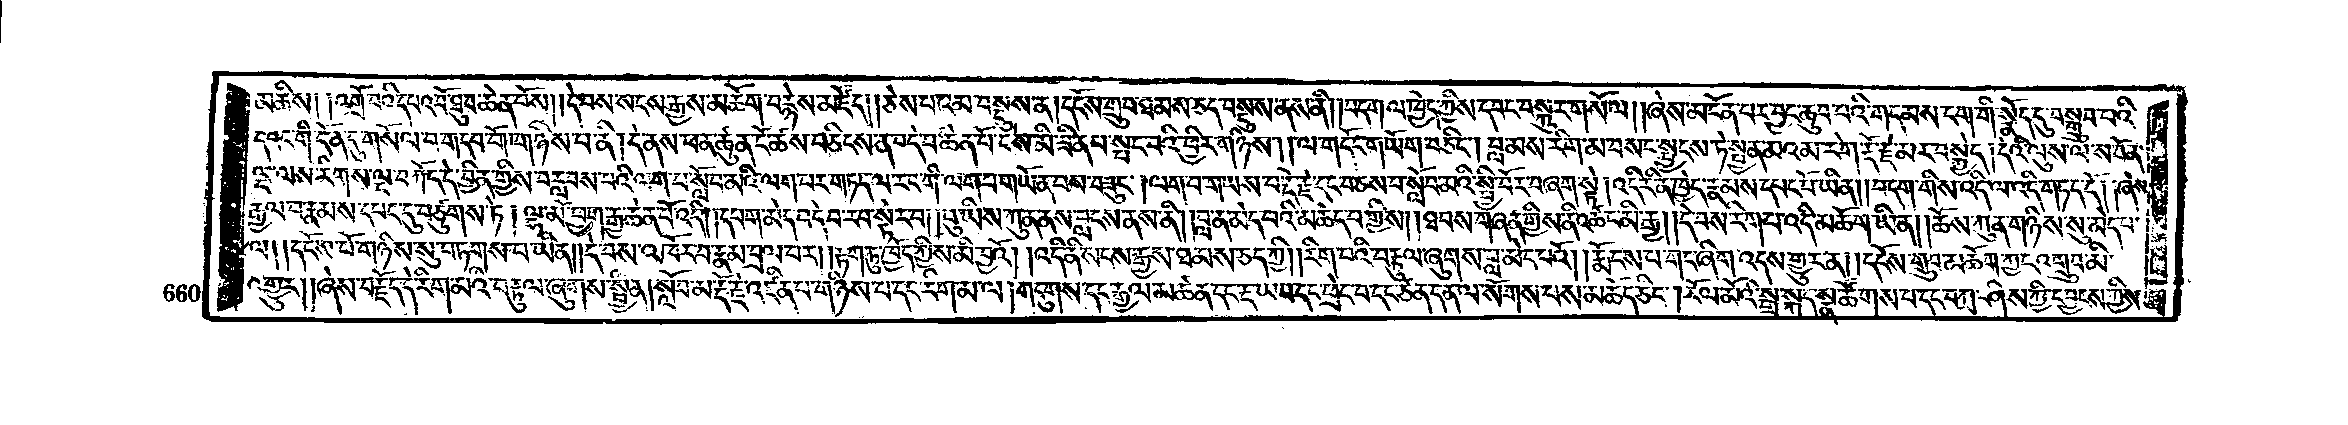མཆིས། །འགྲོ་བའི་དཔའ་བོ་ཐུབ་ཆེན་པོས། །དེ་བས་སངས་རྒྱས་མཆོག་བརྙེས་མཛོད། །ཅེས་པ་འམ་བསྡུས་ན། དངོས་གྲུབ་ཐམས་ཅད་བསྡུས་ནས་ནི། །བདག་ལ་ཁྱོད་ཀྱིས་དབང་བསྐུར་གསོལ། །ཞེས་མངོན་པར་བྱང་ཆུབ་པའི་གདམས་ངག་གི་སྣོད་དུ་བསྒྲུབ་པའི་
དབང་གི་དོན་དུ་གསོལ་བ་གདབ་བོ། །གཉིས་པ་ནི། དེ་ནས་ཕན་ཚུན་ངོ་ཚེས་བཅིངས་ན་བདེ་བ་ཆེན་པོ་ངོས་མི་ཟིན་པ་སྤང་བའི་ཕྱིར་གཉིས་ཀ་ལ་གདོང་གཡོག་བཅིང་། བླ་མས་རིག་མ་བསང་སྦྱངས་ཏེ་སྤྱན་མའམ་རེག་རྡོ་རྗེ་མར་བསྐྱེད། དེའི་ལུས་ལ་ས་བོན་
ལྔ་ལས་རིགས་ལྔ་བཀོད་དེ་བྱིན་གྱིས་བརླབས་པའི་ལག་པ་སློབ་མའི་ལག་པར་གཏད་ལ་རང་གི་ལག་པ་གཡོན་བས་བཟུང་། ལག་པ་གཡས་པ་རྡོ་རྗེ་དང་བཅས་པ་སློབ་མའི་སྤྱི་བོར་བཞག་སྟེ། འདིར་ནི་ཁྱེད་རྣམས་དབང་པོ་ཡིན། །བདག་གིས་འདི་ལ་འདི་གཏད་དོ། །ཞེས་
རྒྱལ་བ་རྣམས་དཔང་དུ་བཙུགས་ཏེ། ལྷ་མོ་ཕྱག་རྒྱ་ཆེན་པོ་འདི། །དཔག་མེད་བདེ་བ་རབ་སྟེར་བ། །བུ་ཡིས་ཀུན་ནས་བླངས་ནས་ནི། །བླ་ན་མེད་པའི་མཆོད་བ་གྱིས། །ཐབས་གཞན་གྱིས་ནི་འཚང་མི་རྒྱ། །དེ་བས་རིག་པ་འདི་མཆོག་ཡིན། །ཆོས་ཀུན་གཉིས་སུ་མེད་པ་
ལ། །དངོས་པོ་གཉིས་སུ་བཏགས་པ་ཡིན། །དེ་བས་འཁོར་བ་རྣམ་བྲལ་པར། །རྟག་ཏུ་ཁྱོད་ཀྱིས་མི་བྱའོ། །འདི་ནི་སངས་རྒྱས་ཐམས་ཅད་ཀྱི། །རིག་པའི་བརྟུལ་ཞུགས་བླ་མེད་པའོ། །རྨོངས་པ་གང་ཞིག་འདས་གྱུར་ན། །དངོས་གྲུབ་མཆོག་ཀྱང་འགྲུབ་མི་
འགྱུར། །ཞེས་བརྗོད་དེ་རིག་མའི་བརྟུལ་ཞུགས་སྦྱིན། སློབ་མ་རྡོ་རྗེ་འཛིན་པ་གཉིས་པ་དང་རིག་མ་ལ། གདུགས་དང་རྒྱལ་མཚན་དང་རྔ་ཡབ་དང་ཕྲེང་བ་དང་ཙན་དན་ལ་སོགས་པས་མཆོད་ཅིང་། རོལ་མོའི་སྒྲ་སྐད་སྣ་ཚོགས་པ་དང་བཀྲ་ཤིས་ཀྱི་དབྱངས་ཀྱིས་